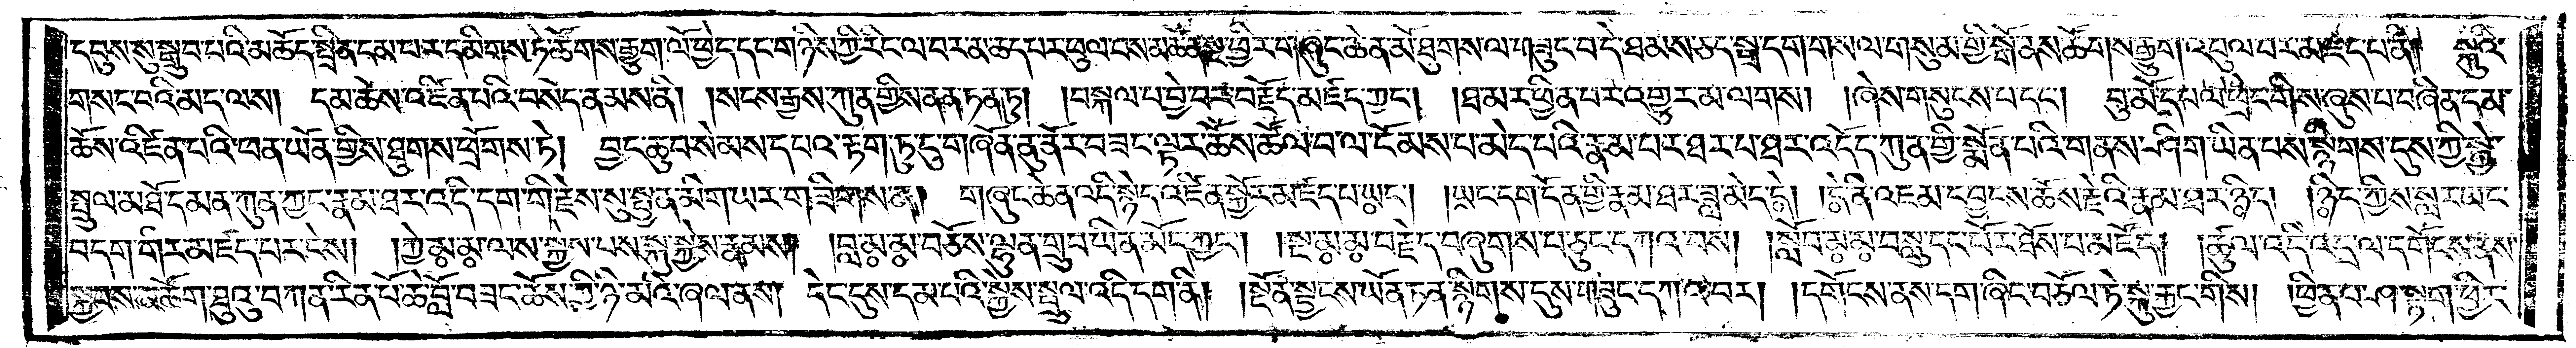དབུས་སུ་སྒྲུབ་པའི་མཆོད་སྤྲིན་དམ་པར་དམིགས་ཏེ་ཚོགས་རྒྱུག་ལོ་ཕྱེད་དང་གཉིས་ཀྱི་རིང་ལ་བར་མཆད་བར་ཕུལ་བས་མཚོན་སྔ་ཕྱིར་གཞུང་ཆེན་མོ་ཐུགས་ལ་གཟུང་བདེ་ཐམས་ཅད་སྒྲ་དག་གསལ་གསུམ་གྱི་སྒོ་ནས་ཚོགས་རྒྱུག་འབུལ་བར་མཛད་པ་ནི། སྐུའི་
གསང་བའི་མདོ་ལས། དམ་ཆོས་འཛིན་པའི་བསོད་ནམས་ནི། །སངས་རྒྱས་ཀུན་གྱིས་ནན་ཏན་ཏུ། །བསྐལ་པ་བྱེ་བར་བརྗོད་མཛད་ཀྱང་། །ཐ་མར་ཕྱིན་པར་འགྱུར་མ་ལགས། །ཞེས་གསུངས་པ་དང་། བུ་མོ་དཔལ་ཕྲེང་གིས་ཞུས་པ་བཞིན་དམ་
ཆོས་འཛིན་པའི་ཕན་ཡོན་གྱིས་ཐུགས་ཕྲོགས་ཏེ། བྱང་ཆུབ་སེམས་དཔའ་རྟག་ཏུ་དུ་གཞོན་ནུ་ནོར་བཟང་ལྟར་ཆོས་ཚོལ་བ་ལ་ངོམས་པ་མེད་པའི་རྣམ་པར་ཐར་པ་ཐར་འདོད་ཀུན་གྱི་སྨོན་པའི་གནས་ཤིག་ཡིན་པས་སྙིགས་དུས་ཀྱི་སྐྱེ་
སྤྲུལ་མཐོ་དམན་ཀུན་ཀྱང་རྣམ་ཐར་འདི་དག་གི་རྗེས་སུ་སྤྱན་མིག་ཡར་གཟིགས་ན། གཞུང་ཆེན་འདི་སྙེད་འཛིན་སྐྱོར་མཛད་པ་ཡང྾། །ཡང྾་དག་དོན་གྱི་རྣམ་ཐར་ཟླ་མེད་དེ྾། །དེ྾་ནི་འཇམ་དབྱངས་ཆོས་རྗེའི་རྣམ་ཐར་ཉིད྾། །ཉིད྾་ཀྱིས་སླར་ཡང་
བདག་གིར་མཛད་པར་ངེས། །ཀྱེ་མ྾་མ྾་ལས་སྐྱེས་པས་སྐུ་སྐྱེས་རྣམས། །བླ་མ྾་མ྾་བཅོས་ལྷུན་གྲུབ་ཡིན་མོད་ཀྱང་། །སྔ་མ྾་མ྾་བརྗེད་བཞུགས་པ་ཙུང་དཀའ་བས། །སློབ་མ྾་མ྾་བསླུ་དང་པོར་ཐོས་པ་མཛོད། །ཚུལ་འདི་འདྲ་ལ་དགོངས་ནས་
སྐྱབས་མཆོག་ཐུའུ་བཀན་རིན་པོ་ཆེ་བློ་བཟང་ཆོས་ཀྱི་ཉི་མའི་ཞལ་ནས། དེང་དུས་དམ་པའི་སྐྱེས་སྤྲུལ་འདི་དག་ནི། །སྔོན་སྦྱངས་ཡོན་ཏན་སྙིགས་དུས་གཟུང་དཀའ་བར། །དགོངས་ནས་དག་ཞིང་བཅོལ་ཏེ་སྐུ་རྐྱང་གིས། །ཕྱིན་པ་ཤ་སྟག་ཕྱིར་